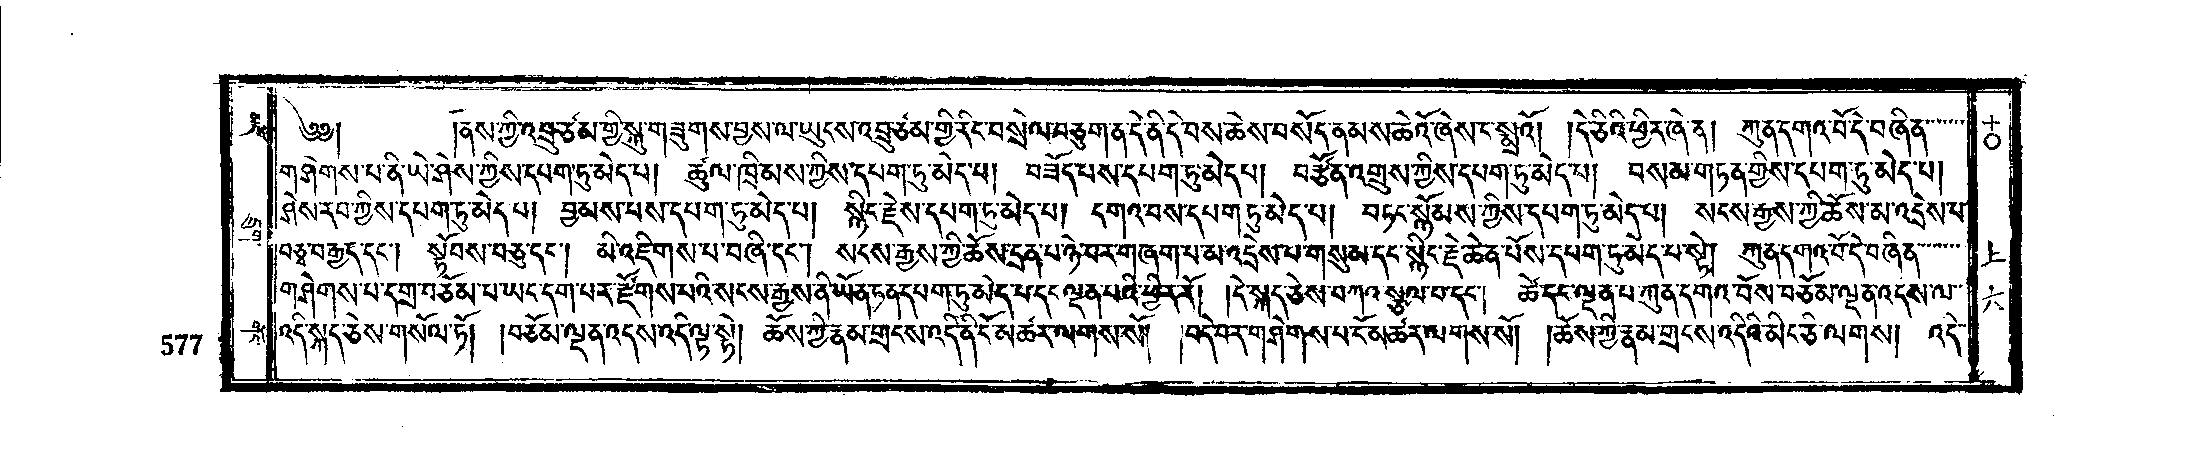༄༅། །ནས་ཀྱི་འབྲུ་ཙམ་གྱི་སྐུ་གཟུགས་བྱས་ལ་ཡུངས་འབྲུ་ཙམ་གྱི་རིང་བསྲེལ་བཅུག་ན་དེ་ནི་དེ་བས་ཆེས་བསོད་ནམས་ཆེའོ་ཞེས་ང་སྨྲའོ། །དེ་ཅིའི་ཕྱིར་ཞེ་ན། ཀུན་དགའ་བོ་དེ་བཞིན་
གཤེགས་པ་ནི་ཡེ་ཤེས་ཀྱིས་དཔག་ཏུ་མེད་པ། ཚུལ་ཁྲིམས་ཀྱིས་དཔག་ཏུ་མེད་པ། བཟོད་པས་དཔག་ཏུ་མེད་པ། བརྩོན་འགྲུས་ཀྱིས་དཔག་ཏུ་མེད་པ། བསམ་གཏན་གྱིས་དཔག་ཏུ་མེད་པ།
ཤེས་རབ་ཀྱིས་དཔག་ཏུ་མེད་པ། བྱམས་པས་དཔག་ཏུ་མེད་པ། སྙིང་རྗེས་དཔག་ཏུ་མེད་པ། དགའ་བས་དཔག་ཏུ་མེད་པ། བཏང་སྙོམས་ཀྱིས་དཔག་ཏུ་མེད་པ། སངས་རྒྱས་ཀྱི་ཆོས་མ་འདྲེས་པ་
བཅྭ?་བརྒྱད་དང་། སྟོབས་བཅུ་དང་། མི་འཇིགས་པ་བཞི་དང་། སངས་རྒྱས་ཀྱི་ཆོས་དྲན་པ་ཉེ་བར་གཞག་པ་མ་འདྲེས་པ་གསུམ་དང་སྙིང་རྗེ་ཆེན་པོས་དཔག་ཏུ་མེད་པ་སྟེ། ཀུན་དགའ་བོ་དེ་བཞིན་
གཤེགས་པ་དགྲ་བཅོམ་པ་ཡང་དག་པར་རྫོགས་པའི་སངས་རྒྱས་ནི་ཡོན་ཏན་དཔག་ཏུ་མེད་པ་དང་ལྡན་པའི་ཕྱིར་རོ། །དེ་སྐད་ཅེས་བཀའ་སྩལ་བ་དང་། ཚེ་དང་ལྡན་པ་ཀུན་དགའ་བོས་བཅོམ་ལྡན་འདས་ལ་
འདི་སྐད་ཅེས་གསོལ་ཏོ། །བཅོམ་ལྡན་འདས་འདི་ལྟ་སྟེ། ཆོས་ཀྱི་རྣམ་གྲངས་འདི་ནི་ངོ་མཚར་ལགས་སོ། །བདེ་བར་གཤེགས་པ་ངོ་མཚར་ལགས་སོ། །ཆོས་ཀྱི་རྣམ་གྲངས་འདིའི་མིང་ཅི་ལགས། འདི་